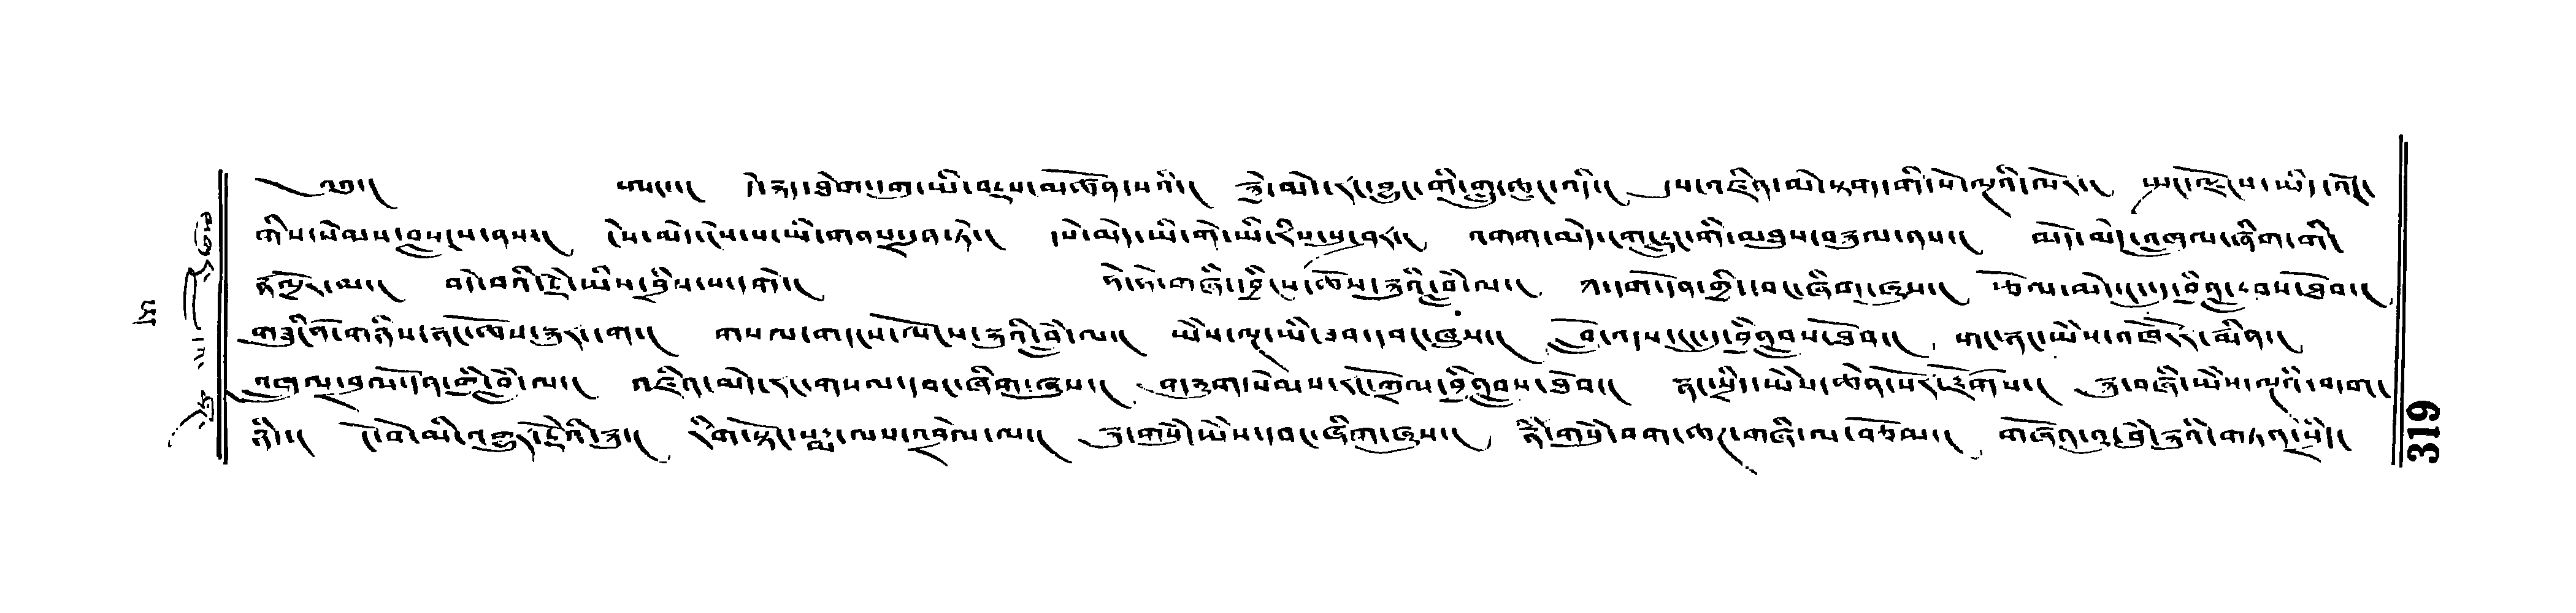ཨང་། །དེ་སྐད་ཐེག་དགུ་ཡི་བརྡས་མཚོན་པའི། །སྐྱེ་མེད་རང་བྱུང་གི་གླུ་ཆུང་འདི། །དུས་འཛིན་མེ་སྟག་གི་སོ་ལྔའི་ལོར། །སྤང་ལྗོངས་ཡིད་འོང་
གིས་སེམས་བསླངས་ནས། །ངེས་མེད་ངེས་པ་ཡི་གནས་དྲན་ཏེ། །དཔེ་མེད་ཡི་གེ་ཡི་རིས་སུ་ཤར། །འགག་མེད་ངག་རླུང་གི་མཐུས་བསྐུལ་ནས། །མདོ་མེད་འཁྲུལ་ཞིག་གི་
རྣལ་འབྱོར་མ། །བདེ་བའི་རྡོ་རྗེ་ཡིས་བྲིས་པ་དགེ།། ཧོ་ཧོ། གཞི་དབྱིངས་ཆོས་སྐུའི་བླ་མ་ལ། །ཀ་དག་དོན་གྱི་དབང་ཞིག་ཞུས། །རྩོལ་མེད་ངང་དུ་བྱིན་རླབས་ཐོབ། །
གཟུང་འཛིན་གཉིས་སྣང་ཆོས་སྐུར་དག །གསལ་གདངས་ལོངས་སྐུའི་བླ་མ་ལ། །ཡེ་ཤེས་ལྔ་ཡི་ཟབ་དབང་ཞུས། །བློ་འདས་ངང་དུ་བྱིན་རླབས་ཐོབ། །གང་སྣང་ཡེ་ཤེས་འཁོར་ལོར་སྨིན། །
འཁྲུལ་བྲལ་དོན་གྱི་བླ་མ་ལ། །འཛིན་མེད་རང་གསལ་དབང་ཞིག་ཞུས། །གཉུག་སེམས་རང་གྲོལ་བྱིན་རླབས་ཐོབ། །སྣང་སྲིད་ཡེ་ཤེས་ཆེན་པོར་རྫོགས། །སྐུ་བཞི་ཡེ་ཤེས་ལྔའི་བདག་
ཉིད། །ངོ་བོ་མི་འགྱུར་རྡོ་རྗེའི་སྐུ། །རིག་སྟོང་པདྨ་ལས་འབྲེལ་ལ། །སྐུ་གསུམ་ཡེ་ཤེས་དབང་ཞིག་ཞུས། །རྣམ་གསུམ་བག་ཆགས་གཞི་ལ་བཅོམ། །གཞོན་ནུ་བུམ་སྐུའི་གཏན་སྲིད་